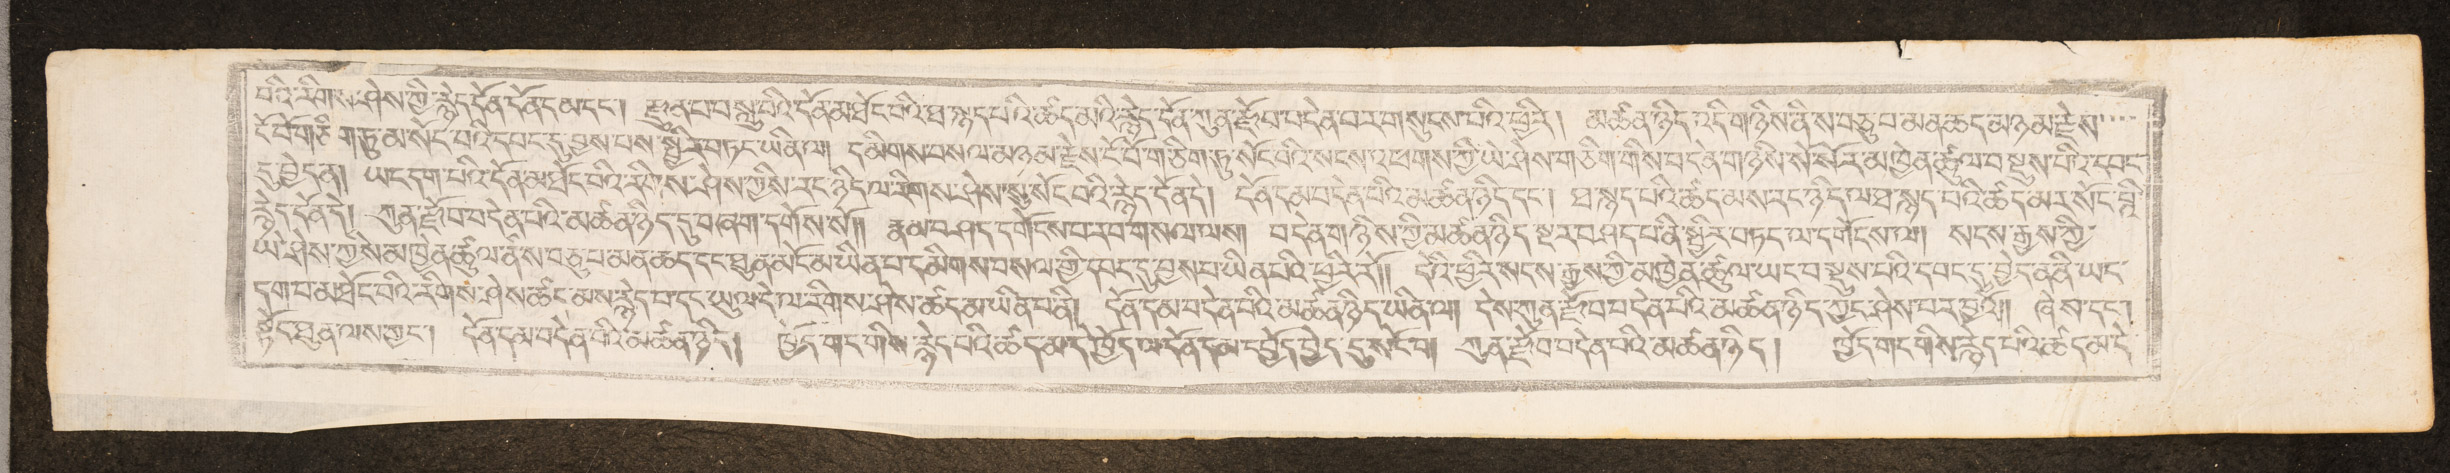བའི་རིགས་ཤེས་ཀྱི་རྙེད་དྲོན་དོན་དམ་དང་། རྫུན་པ་བསླུ་བའི་དོན་མཐོང་བའི་ཐ་སྙད་པའི་ཚད་མའི་རྙེད་དོན་ཀུན་རྫོབ་བདེན་པར་གསུངས་པའི་ཕྱིར། མཚན་ཉིད་འདི་གཉིས་ནི་ས་བཅུ་པ་མན་ཆད་མཉམ་རྗེས་
ངོ་བོ་གཅིག་ཏུ་མ་སོང་བའི་དབང་དུ་བྱས་པས་སྤྱིར་བཏང་གྱུ་ཡིན་ལ། དམིགས་བས་ལ་མཉམ་རྗེས་ངོ་བོ་གཅིག་ཏུ་སོང་བའི་སངས་འཕགས་ཀྱི་ཡེ་ཤེས་གཅིག་གིས་བདེན་གཉིས་སོ་སོར་མཁྱེན་ཚུལ་བསྡུས་པའི་དབང་
དུ་བྱེད་ན། ཡང་དག་པའི་དོན་མཐོང་བའི་རིགས་ཤེས་ཀྱིས་རང་ཉིད་ལ་རིགས་ཤེས་སུ་སོང་བའི་རྙེད་དོན་དེ། དོན་དམ་བདེན་པའི་མཚན་ཉིད་དང་། ཐ་སྙད་པའི་ཚད་མས་རང་ཉིད་ལ་ཐ་སྙད་པའི་ཚད་མར་སོང་བའི་
རྙེད་དོན་དེ། ཀུན་རྫོབ་བདེན་པའི་མཚན་ཉིད་དུ་བཞག་དགོས་སོ།། རྣམ་བཤད་དགོངས་པ་རབ་གསལ་ལས། བདེན་གཉིས་ཀྱི་མཚན་ཉིད་སྔར་བཤད་པ་ནི་སྤྱིར་བཏང་ལ་དགོངས་ལ། སངས་རྒྱས་ཀྱི་
ཡེ་ཤེས་ཀྱིས་མཁྱེན་ཚུལ་ནི་ས་བཅུ་པ་མན་ཆད་དང་ཐུན་མོང་མ་ཡིན་པ་དམིགས་བསལ་གྱི་དབང་དུ་བྱས་པ་ཡིན་པའི་ཕྱིར་རོ།། དེའི་ཕྱིར་སངས་རྒྱས་ཀྱི་མཁྱེན་ཚུལ་ཡང་བ་བསྡུས་པའི་དབང་དུ་བྱེད་ན་ནི་ཡང་
དག་པ་མཐོང་བའི་རིགས་ཤེས་ཚད་མས་རྙེད་པ་དང་ཡུལ་དེ་ལ་རིགས་ཤེས་ཚད་མ་ཡིན་པ་ནི། དོན་དམ་བདེན་པའི་མཚན་ཉིད་ཡིན་ལ། དེས་ཀུན་རྫོབ་བདེན་པའི་མཚན་ཉིད་ཀྱང་ཤེས་པར་བྱའོ། །ཞེས་དང་།
སྟོང་ཐུན་ལས་ཀྱང་། དོན་དམ་བདེན་པའི་མཚན་ཉིད། ཁྱོད་གང་གིས་རྙེད་པའི་ཚད་མ་དེ་ཁྱོད་ལ་དོན་དམ་དཔྱོད་བྱེད་དུ་སོང་བ། ཀུན་རྫོབ་པ་བདེན་པའི་མཚན་ཉིད། ཁྱོད་གང་གིས་རྙེད་པའི་ཚད་མ་དེ་